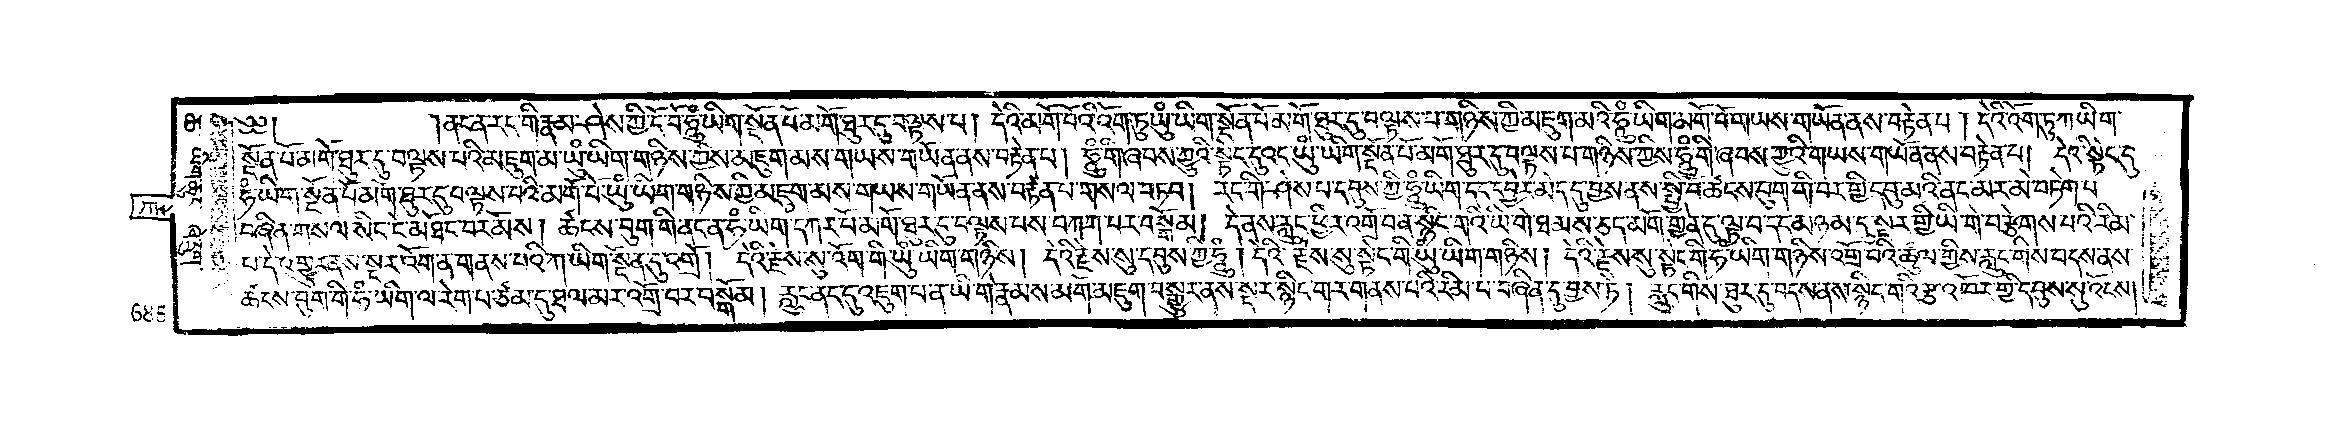༄༅། །ནང་ན་རང་གི་རྣམ་ཤེས་ཀྱི་ངོ་བོ་ཧཱུཾ་ཡིག་སྔོན་པོ་མགོ་ཐུར་དུ་བལྟས་པ། དེའི་མགོ་བོའི་འོག་ཏུ་ཡུཾ་ཡིག་སྔོན་པོ་མགོ་ཐུར་དུ་བལྟས་པ་གཉིས་ཀྱི་མཇུག་མའི་ཧཱུཾ་ཡིག་མགོ་བོ་གཡས་གཡོན་ནས་བརྟེན་པ། དེའི་འོག་ཏུ་ཀ་ཡིག་
སྔོན་པོ་མགོ་ཐུར་དུ་བལྟས་པའི་མཇུག་མ་ཡུཾ་ཡིག་གཉིས་ཀྱིས་མཇུག་མས་གཡས་གཡོན་ནས་བརྟེན་པ། ཧཱུཾ་གི་ཞབས་ཀྱུའི་སྟེང་དུའང་ཡུཾ་ཡིག་སྔོན་པོ་མགོ་ཐུར་དུ་བལྟས་པ་གཉིས་ཀྱིས་ཧཱུཾ་གི་ཞབས་ཀྱུའི་གཡས་གཡོན་ནས་བརྟེན་པ། དེའི་སྟེང་དུ་
ཧཾ་ཡིག་སྔོན་པོ་མགོ་ཐུར་དུ་བལྟས་པའི་མགོ་བོ་ཡུཾ་ཡིག་གཉིས་ཀྱི་མཇུག་མས་གཡས་གཡོན་ནས་བརྟེན་པ་གསལ་བཏབ། རང་གི་ཤེས་པ་དབུས་ཀྱི་ཧཱུཾ་ཡིག་དང་དབྱེར་མེད་དུ་བྱས་ནས་སྤྱི་བོ་ཚངས་བུག་གི་བར་གྱི་དབུ་མའི་ནང་མར་མེ་བཏེག་པ་
བཞིན་གསལ་སིང་ངེ་མཐོང་བར་མོས། ཚངས་བུག་གི་ནང་ན་ཧཾ་ཡིག་དཀར་པོ་མགོ་ཐུར་དུ་བལྟས་པས་བཀག་པར་བསྒོམ། དེ་ནས་རླུང་ཕྱིར་འགྲོ་བ་ན་སྙིང་གའི་ཡི་གེ་ཐམས་ཅད་མགོ་གྱེན་དུ་ལྟ་བ་དང་མཉམ་དུ་སྔར་གྱི་ཡི་གེ་བརྩེགས་པའི་རིམ་
པ་དེ་འགྱུར་ནས་སྔར་འོག་ན་གནས་པའི་ཀ་ཡིག་སྔོན་དུ་འགྲོ། དེའི་རྗེས་སུ་འོག་གི་ཡུཾ་ཡིག་གཉིས། དེའི་རྗེས་སུ་དབུས་ཀྱི་ཧཱུཾ། དེའི་རྗེས་སུ་སྟེང་གི་ཡུཾ་ཡིག་གཉིས། དེའི་རྗེས་སུ་སྟེང་གི་ཧཾ་ཡིག་གཉིས་འགྲོ་བའི་ཚུལ་གྱིས་རླུང་གིས་བདས་ནས་
ཚངས་བུག་གི་ཧཾ་ཡིག་ལ་རེག་པ་ཙམ་དུ་ཐལ་མར་འགྲོ་བར་བསྒོམ། རླུང་ནང་དུ་འཇུག་པ་ན་ཡི་གེ་རྣམས་མགོ་མཇུག་བསྒྱུར་ནས་སྔར་སྙིང་གར་གནས་པའི་རིམ་པ་བཞིན་དུ་བྱས་ཏེ། རླུང་གིས་ཐུར་དུ་བདས་ནས་སྙིང་གའི་རྩ་འཁོར་གྱི་དབུས་སུ་འོངས།